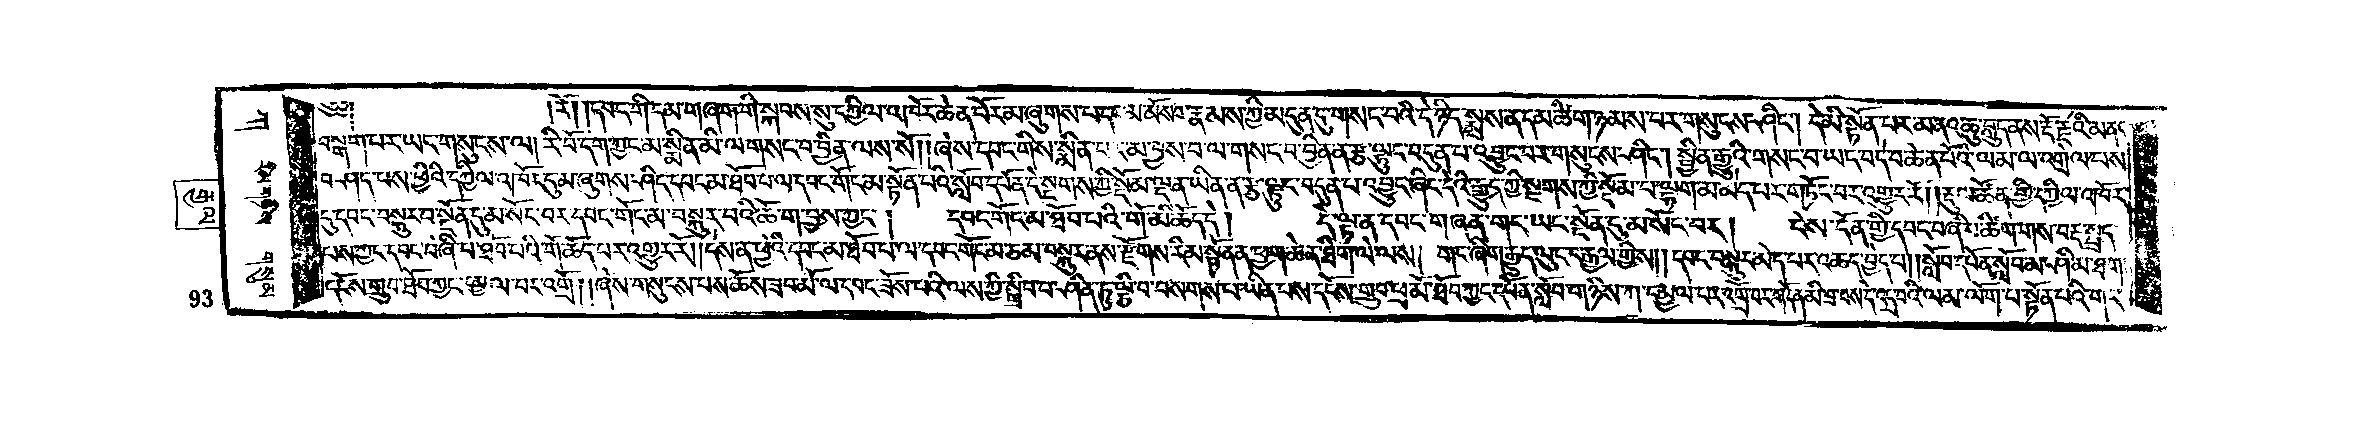༄༅། །རོ། །དབང་གི་དམ་གཞག་གི་སྐབས་སུ་དཀྱིལ་འཁོར་ཆེན་པོར་མ་ཞུགས་པ་དང་མ་མོས་བ་རྣམས་ཀྱི་མདུན་དུ་གསང་བའི་དེ་ཉིད་སྨྲས་ན་དམ་ཚིག་ཉམས་པར་གསུངས་ཤིང་། དེ་མི་སྟོན་པར་མནའ་ཆུ་བླུད་ནས་རྡོ་རྗེའི་མནད་
བསྒག་པར་ཡང་གསུངས་ལ། རི་བོ་དག་ཀྱང་མ་སྨིན་མི་ལ་གསང་བ་བྱིན་ལས་སོ། །ཞེས་དབང་གིས་སྨིན་པར་མ་བྱས་པ་ལ་གསང་བ་བྱིན་ན་རྩ་ལྟུང་བདུན་པ་འབྱུང་བར་གསུངས་ཤིང་། སྦྱིན་རྒྱུའི་གསང་བ་ཡང་བདེ་བ་ཆེན་པོའི་ལམ་ལ་འགྲེལ་བས་
བཤད་པས་ཕྱིའི་དཀྱིལ་འཁོར་དུ་མ་ཞུགས་ཤིང་དབང་མ་ཐོབ་པ་ལ་དབང་གོང་མ་སྟོན་པའི་སློབ་དཔོན་དེ་སྔགས་ཀྱི་སྡོམ་ལྡན་ཡིན་ན་རྩ་ལྟུང་བདུན་པ་འབྱུང་ཞིང་དེའི་རྒྱུད་ཀྱི་སྔགས་ཀྱི་སྡོམ་པ་ལྷག་མ་མེད་པར་གཏོང་བར་འགྱུར་རོ། །རྡུལ་ཚོན་གྱི་དཀྱིལ་འཁོར་
དུ་དབང་བསྐུར་བ་སྔོན་དུ་མ་སོང་བར་དབང་གོང་མ་བསྐུར་བའི་ཆོ་ག་བྱས་ཀྱང་། དབང་གོང་མ་ཐོབ་པའི་གོ་མི་ཆོད་དེ། དེ་ལྟ་ན་དབང་གཞན་གང་ཡང་སྔོན་དུ་མ་སོང་བར། ངེས་དོན་གྱི་དབང་བཞི་པ་ཚིག་གིས་བརྡ་སྤྲོད་
པས་ཀྱང་དབང་བཞི་པ་ཐོབ་པའི་གོ་ཆོད་པར་འགྱུར་རོ། །དེས་ན་ཕྱེའི་དབང་མ་ཐོབ་པ་ལ་དབང་གོང་མ་ཙམ་བསྐུར་ནས་རྫོགས་རིམ་སྟོན་ན་ཕྱག་ཆེན་ཐིག་ལེ་ལས། གང་ཞིག་རྒྱུད་ལུང་ང་རྒྱལ་གྱིས། །དབང་བསྐུར་མེད་པར་འཆད་བྱེད་པ། །སློབ་དཔོན་སློབ་མ་ཤི་མ་ཐག །
དངོས་གྲུབ་ཐོབ་ཀྱང་དམྱལ་བར་འགྲོ། །ཞེས་གསུངས་པས་ཆོས་ཟབ་མོ་ལ་དབང་ཟོས་པའི་ལས་ཀྱི་སྒྲིབ་པ་ཤིན་ཏུ་ལྕི་བ་བསགས་པ་ཡིན་པས་དངོས་གྲུབ་ཕྲ་མོ་ཐོབ་ཀྱང་དཔོན་སློབ་གཉིས་ཀ་དམྱལ་བར་འགྲོ་བར་གདོན་མི་ཟ་བས་དེ་འདྲ་བའི་ལམ་ལོག་པ་སྟོན་པའི་གང་